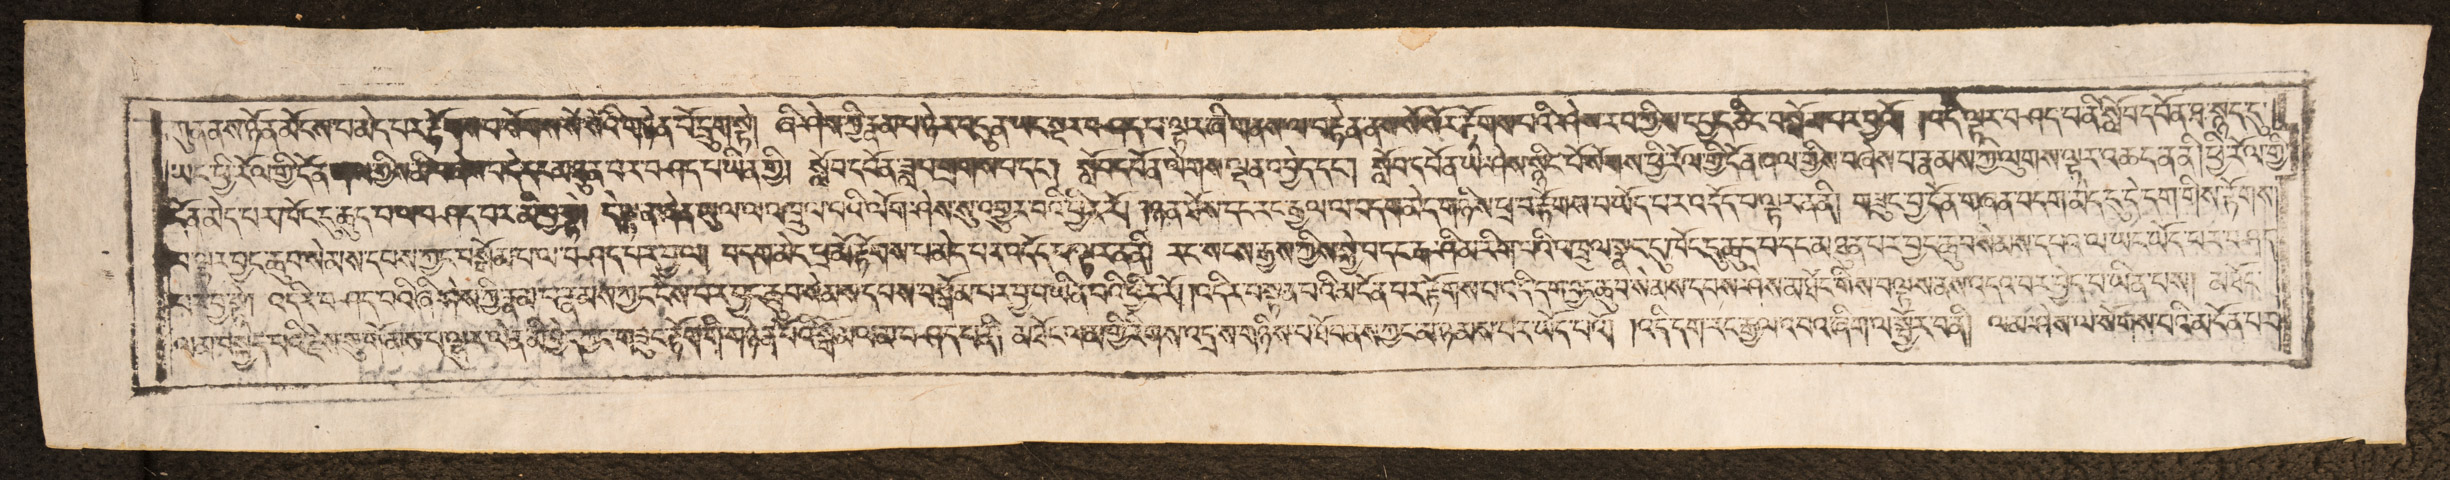ཀུན་ནས་ཉོན་མོངས་པ་མེད་པར་རྟོགས་པ་སོགས་སོ་སོའི་གཉེན་པོ་དྲུག་སྟེ། ཞི་ཤེས་ཀྱི་རྣམ་པ་ཉེར་བདུན་ཡང་སྔར་བཤད་པ་ལྟར་ཞི་གནས་ལ་བརྟེན་ནས་སོ་སོར་རྟོགས་པའི་ཤེས་རབ་ཀྱིས་དཔྱད་ཅིང་བསྒོམ་པར་བྱའོ། །འདི་ལྟར་བཤད་པ་ནི་སློབ་དཔོན་ཐ་སྙད་དུ་
ཡང་ཕྱི་རོལ་གྱི་དོན་ཞལ་གྱིས་མི་བཞེས་པ་དེ་དང་མཐུན་པར་བཤད་པ་ཡིན་གྱི། སློབ་དཔོན་ཟླ་བ་གྲགས་པ་དང་། སློབ་དཔོན་ལེགས་ལྡན་འབྱེད་དང་། སློབ་དཔོན་ཡེ་ཤེས་སྙིང་པོ་སོགས་ཕྱི་རོལ་གྱི་དོན་ཞལ་གྱིས་བཞེས་པ་རྣམས་ཀྱི་ལུགས་ལྟར་འཆད་ན་ནི། ཕྱི་རོལ་གྱི་
དོན་མེད་པར་ཁོང་དུ་ཆུད་པ་ལ་བཤད་པར་མི་བྱ་སྟེ། དེ་ལྟ་ན་ཞེན་ཡུལ་ལ་འཁྲུལ་བའི་ལོག་ཤེས་སུ་འགྱུར་བའི་ཕྱིར་རོ། །ཉན་ཐོས་དང་རང་རྒྱལ་ལ་བདག་མེད་གཉིས་ཕྲ་བ་རྟོགས་པ་ཡོད་པར་འདོད་པ་ལྟར་ན་ནི། གཟུང་བྱ་དོན་གཞན་བདག་མེད་དུ་དེ་དག་གིས་རྟོགས་
པ་ལྟར་བྱང་ཆུབ་སེམས་དཔས་ཀྱང་བསྒོམ་པ་ལ་བཤད་པར་བྱ་ལ། བདག་མེད་ཕྲ་མོ་རྟོགས་པ་མེད་པར་འདོད་པ་ལྟར་ན་ནི། རང་སངས་རྒྱས་ཀྱིས་སྐྱེ་བ་དང་རྒ་ཤི་མ་རིག་པའི་འཁྲུལ་སྣང་དུ་ཁོང་དུ་ཆུད་པ་དང་མཐུན་པར་བྱང་ཆུབ་སེམས་དཔའ་ལ་ཡང་ཡོད་པར་བཤད་
པར་བྱ་སྟེ། འདིར་བཤད་པའི་ཞི་ཤེས་ཀྱི་རྣམ་པ་རྣམས་ཀྱང་ངེས་པར་བྱང་ཆུབ་སེམས་དཔས་བསྒོམ་པར་བྱ་བ་ཡིན་པའི་ཕྱིར་རོ། །འདིར་བསྟན་པའི་མངོན་པར་རྟོགས་པ་འདི་དག་བྱང་ཆུབ་སེམས་དཔས་ཤེས་མཐོང་གིས་བལྟས་ནས་འདའ་བར་བྱེད་པ་ཡིན་པས། མཐོང་
ལམ་བསྐྱེད་པའི་རྗེས་སུ་གོམས་པ་ལྷུར་ལེན་མི་བྱེད་ཀྱང་གཟུང་རྟོག་གི་གཉེན་པོའི་སྒོམ་ལམ་བཤད་པ་ནི། མཐོང་ལམ་གྱི་རིགས་འདྲ་ས་གཉིས་པ་ཐོབ་ནས་ཀྱང་མ་ཉམས་པར་ཡོད་པའོ། །འདི་དག་རང་རྒྱལ་འབའ་ཞིག་ལ་སྦྱོར་བ་ནི། ལམ་ཤེས་ལ་སོགས་པའི་མངོན་པར་